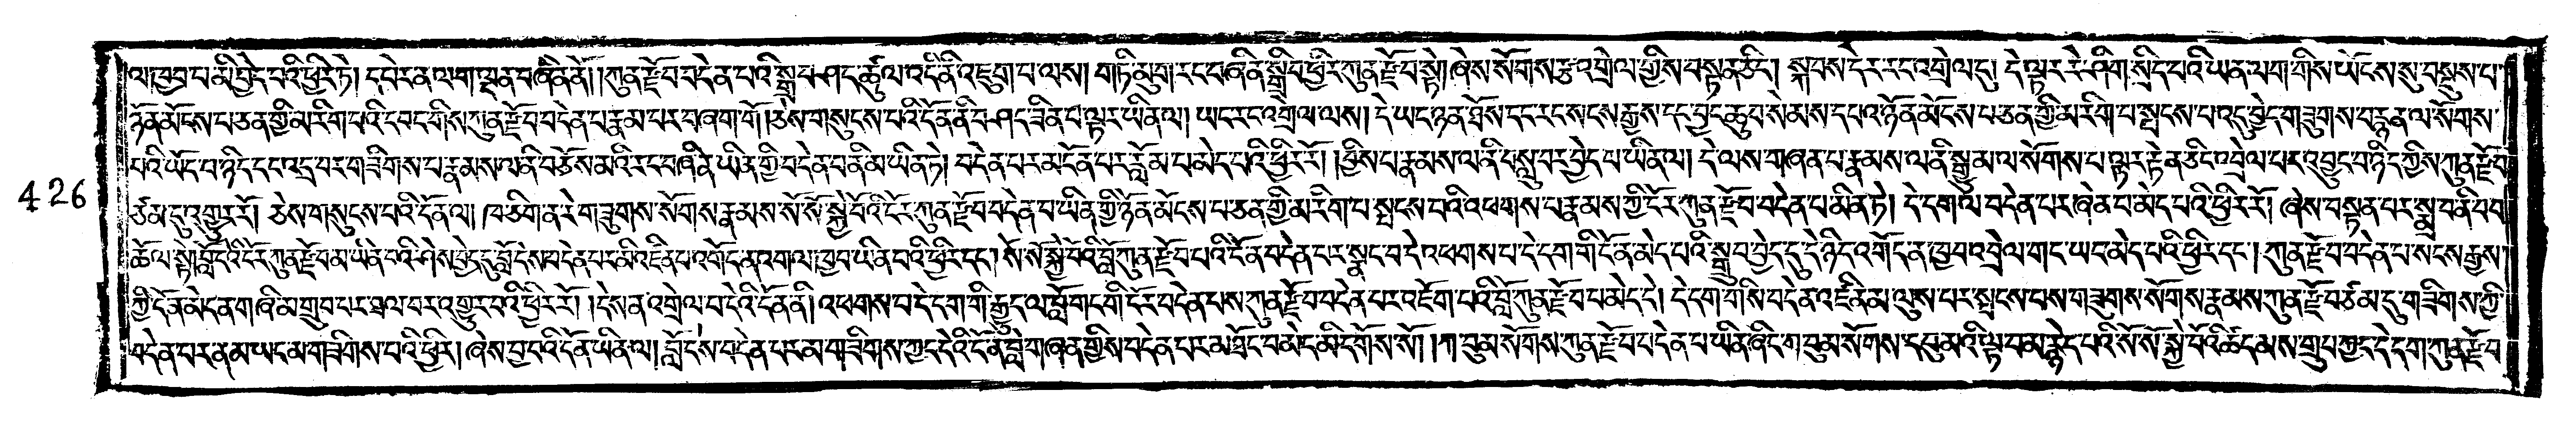ལ་ཁྱབ་པ་མི་བྱེད་པའི་ཕྱིར་ཏེ། དཔེར་ན་ལག་ལྡན་བཞིན་ནོ། །ཀུན་རྫོབ་བདེན་པའི་སྒྲ་བཤད་ཚུལ་འདི་ནི་འཇུག་པ་ལས། གཏི་མུག་རང་བཞིན་སྒྲིབ་ཕྱིར་ཀུན་རྫོབ་སྟེ། ཞེས་སོགས་རྩ་འགྲེལ་གྱིས་བསྟན་ཅིང་། སྐབས་དེར་རང་འགྲེལ་དུ། དེ་ལྟར་རེ་ཤིག་སྲིད་པའི་ཡན་ལག་གིས་ཡོངས་སུ་བསྡུས་པ་
ཉོན་མོངས་པ་ཅན་གྱི་མ་རིག་པའི་དབང་གིས་ཀུན་རྫོབ་བདེན་པ་རྣམ་པར་བཞག་གོ །ཅེས་གསུངས་པའི་དོན་ནི་བཤད་ཟིན་པ་ལྟར་ཡིན་ལ། ཡང་རང་འགྲེལ་ལས། དེ་ཡང་ཉན་ཐོས་དང་རང་སངས་རྒྱས་དང་བྱང་ཆུབ་སེམས་དཔའ་ཉོན་མོངས་པ་ཅན་གྱི་མ་རིག་པ་སྤངས་པ་འདུ་བྱེད་གཟུགས་བརྙན་ལ་སོགས་
པའི་ཡོད་པ་ཉིད་དང་འདྲ་བར་གཟིགས་པ་རྣམས་ལ་ནི་བཅོས་མའི་རང་བཞིན་ཡིན་གྱི་བདེན་པ་ནི་མ་ཡིན་ཏེ། བདེན་པར་མངོན་པར་རློམ་པ་མེད་པའི་ཕྱིར་རོ། །བྱིས་པ་རྣམས་ལ་ནི་བསླུ་བར་བྱེད་པ་ཡིན་ལ། དེ་ལས་གཞན་པ་རྣམས་ལ་ནི་སྒྱུ་མ་ལ་སོགས་པ་ལྟར་རྟེན་ཅིང་འབྲེལ་པར་འབྱུང་བ་ཉིད་ཀྱིས་ཀུན་རྫོབ་
ཙམ་དུ་འགྱུར་རོ། ཅེས་གསུངས་པའི་དོན་ལ། ཁ་ཅིག་ན་རེ་གཟུགས་སོགས་རྣམས་སོ་སོ་སྐྱེ་བོའི་ངོར་ཀུན་རྫོབ་བདེན་པ་ཡིན་གྱི་ཉོན་མོངས་པ་ཅན་གྱི་མ་རིག་པ་སྤངས་པའི་འཕགས་པ་རྣམས་ཀྱི་ངོར་ཀུན་རྫོབ་བདེན་པ་མིན་ཏེ། དེ་དག་ལ་བདེན་པར་ཞེན་པ་མེད་པའི་ཕྱིར་རོ། ཞེས་བསྟན་པར་སྨྲ་བ་ནི་བབ་
ཆོལ་སྟེ། བློ་དེའི་ངོར་ཀུན་རྫོབ་མ་ཡིན་བའི་ཤེས་བྱེད་དུ་བློ་དེས་བདེན་པར་མི་འཛིན་པ་འགོད་ན་འགལ་ཁྱབ་ཡིན་པའི་ཕྱིར་དང་། སོ་སོ་སྐྱེ་བོའི་བློ་ཀུན་རྫོབ་པའི་ངོ་ན་བདེན་པར་སྣང་བ་དེ་འཕགས་པ་དེ་དག་གི་ངོ་ན་མེད་པའི་སྒྲུབ་བྱེད་དུ་དེ་ཉིད་འགོད་ན་ཁྱབ་འབྲེལ་གང་ཡང་མེད་པའི་ཕྱིར་དང་། ཀུན་རྫོབ་བདེན་པ་སངས་རྒྱས་
ཀྱི་དོན་?་མེད་ན་གཞི་མ་གྲུབ་པར་ཐལ་བར་འགྱུར་བའི་ཕྱིར་རོ། །དེས་ན་འགྲེལ་པ་དེའི་དོན་ནི། འཕགས་པ་དེ་དག་གི་རྒྱུད་ལ་བློ་གང་གི་ངོར་བདེན་པས་ཀུན་རྫོབ་བདེན་པར་འཇོག་པའི་བློ་ཀུན་རྫོབ་པ་མེད་དེ། དེ་དག་གིས་བདེན་འཛིན་མ་ལུས་པར་སྤངས་པས་གཟུགས་སོགས་རྣམས་ཀུན་རྫོབ་ཙམ་དུ་གཟིགས་ཀྱི་
བདེན་པར་ནམ་ཡང་མ་གཟིགས་པའི་ཕྱིར། ཞེས་བྱ་བའི་དོན་ཡིན་ལ། བློ་དེས་བདེན་པར་མ་གཟིགས་ཀྱང་དེའི་ངོ་ན་བློ་གཞན་གྱིས་བདེན་པར་མཐོང་བ་མེད་མི་དགོས་སོ། །ཀ་བུམ་སོགས་ཀུན་རྫོབ་བདེན་པ་ཡིན་ཞིང་ཀ་བུམ་སོགས་དབུ་མའི་ལྟ་བ་མ་རྙེད་པའི་སོ་སོ་སྐྱེ་བོའི་ཚད་མས་གྲུབ་ཀྱང་དེ་དག་ཀུན་རྫོབ་